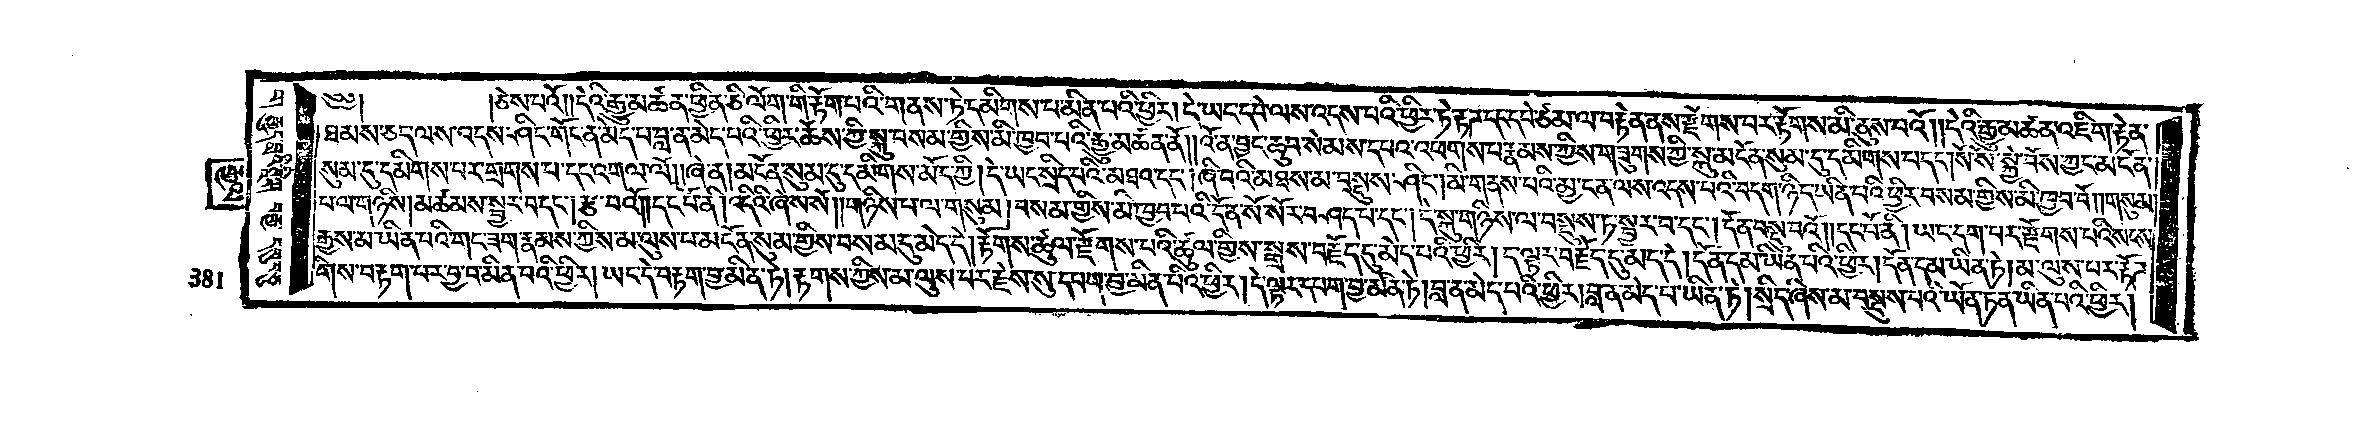༄༅། །ཅེས་པའོ། །དེའི་རྒྱུ་མཚན་ཕྱིན་ཅི་ལོག་གི་རྟོག་པའི་གནས་ཏེ་དམིགས་པ་མིན་པའི་ཕྱིར། དེ་ཡང་དཔེ་ལས་འདས་པའི་ཕྱིར་ཏེ་རྟགས་དང་དཔེ་ཙམ་ལ་བརྟེན་ནས་རྫོགས་པར་རྟོགས་མི་ནུས་པའོ། །དེའི་རྒྱུ་མཚན་འཇིག་རྟེན་
ཐམས་ཅད་ལས་འདས་ཤིང་གོང་ན་མེད་པ་བླ་ན་མེད་པའི་ཕྱིར་ཆོས་ཀྱི་སྐུ་བསམ་གྱིས་མི་ཁྱབ་པའི་རྒྱུ་མཚན་ནོ། །འོ་ན་བྱང་ཆུབ་སེམས་དཔའ་འཕགས་པ་རྣམས་ཀྱིས་གཟུགས་ཀྱི་སྐུ་མངོན་སུམ་དུ་དམིགས་པ་དང་། སོ་སོ་སྐྱེ་བོས་ཀྱང་མངོན་
སུམ་དུ་དམིགས་པར་གྲགས་པ་དང་འགལ་ལོ། །ཞེ་ན། མངོན་སུམ་དུ་དམིགས་མོད་ཀྱི། དེ་ཡང་སྲིད་པའི་མཐའ་དང་། ཞི་བའི་མཐས་མ་བསྡུས་ཤིང་། མི་གནས་པའི་མྱ་ངན་ལས་འདས་པའི་བདག་ཉིད་ཡིན་པའི་ཕྱིར་བསམ་གྱིས་མི་ཁྱབ་བོ། །གསུམ་
པ་ལ་གཉིས། མཚམས་སྦྱར་བ་དང་། རྩ་བའོ། །དང་པོ་ནི། འདིའི་ཞེས་སོ། །གཉིས་པ་ལ་གསུམ། བསམ་གྱིས་མི་ཁྱབ་པའི་དོན་སོ་སོར་བཤད་པ་དང་། དེ་སྐུ་གཉིས་ལ་བསྡུས་ཏ་སྦྱར་བ་དང་། དོན་བསྡུ་བའོ། །དང་པོ་ནི། ཡང་དག་པར་རྫོགས་པའི་སངས་
རྒྱས་མ་ཡིན་པའི་གང་ཟག་རྣམས་ཀྱིས་མ་ལུས་པ་མངོན་སུམ་གྱིས་བསམ་དུ་མེད་དེ། རྟོགས་ཚུལ་རྫོགས་པའི་ཚུལ་གྱིས་སྒྲས་བརྗོད་དུ་མེད་པའི་ཕྱིར། ད་ལྟར་བརྗོད་དུ་མེད་དེ། དོན་དམ་ཡིན་པའི་ཕྱིར། དོན་དམ་ཡིན་ཏེ། མ་ལུས་པར་རྟོགས་
གིས་བརྟག་པར་བྱ་བ་མིན་པའི་ཕྱིར། ཡང་དེ་བརྟག་བྱ་མིན་ཏེ། རྟགས་ཀྱིས་མ་ལུས་པར་རྗེས་སུ་དཔག་བྱ་མིན་པའི་ཕྱིར། དེ་ལྟར་དཔག་བྱ་མིན་ཏེ། བླ་ན་མེད་པའི་ཕྱིར། བླ་ན་མེད་པ་ཡིན་ཏེ། སྲིད་ཞིས་མ་བསྡུས་པའི་ཡོན་ཏན་ཡིན་པའི་ཕྱིར།